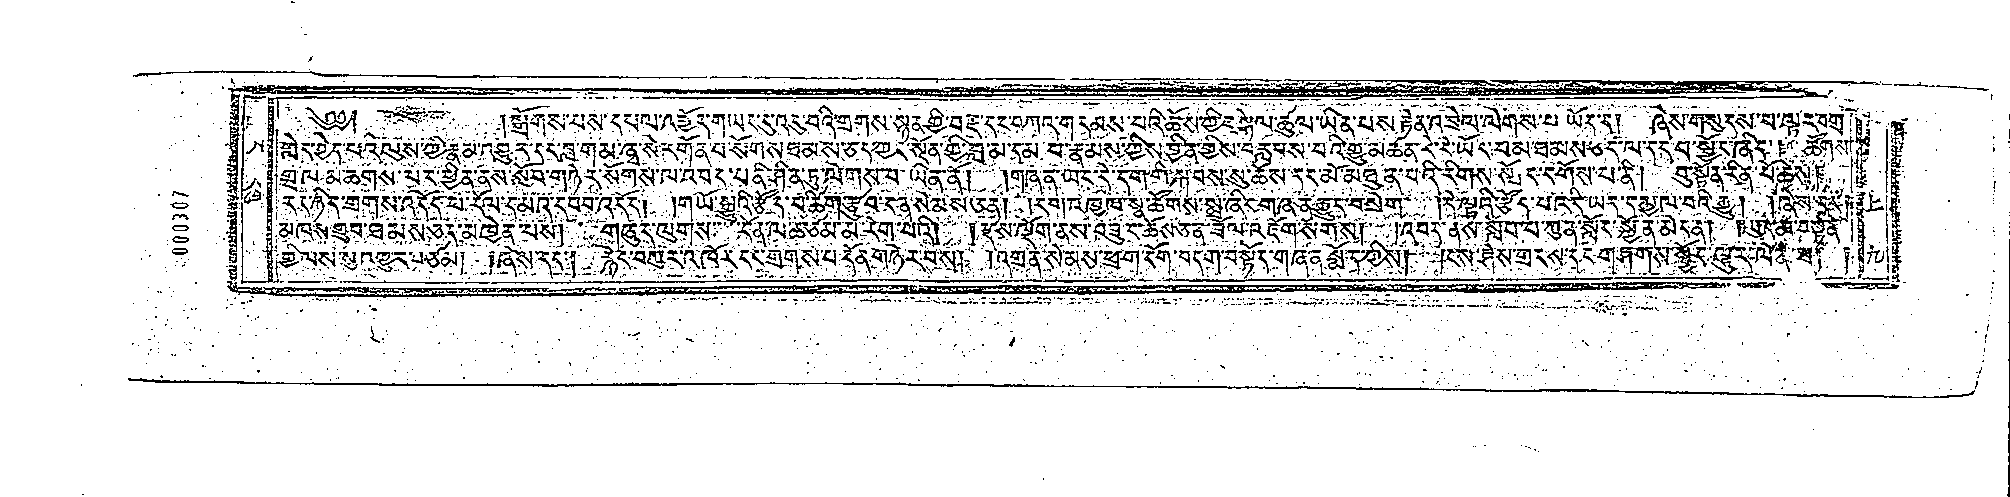༄༅། །སྒྲོགས་པས་དཔལ་འབྱོར་གཡང་དུ་འདུ་བའི་གྲགས་སྙན་གྱི་བརྔ་དང་བཀའ་གདམས་པའི་ཆོས་ཀྱི་བསྐོལ་ཚུལ་ཡིན་པས་རྟེན་འབྲེལ་ལེགས་པ་ཡོད་དོ། ཞེས་གསུངས་པ་ལྟར་བགྲོ་
གླེང་བྱེད་པའི་ལུས་ཀྱི་རྣམ་འབྱུང་དང་ཟླ་གམ་ཞྭ་སེར་གོན་པ་སོགས་ཐམས་ཅད་ཀྱང་སྔོན་གྱི་བླ་མ་དམ་པ་རྣམས་ཀྱིས་བྱིན་གྱིས་བརླབས་པའི་གྱུ་མཚན་རེ་དེ་ཡོད་པ་མ་ཐམས་ཅད་ལ་དང་པ་སྤྱོད་ཞིང་། ཚོགས་
གྲྭ་ལ་མ་ཆགས་པར་ཕྱིན་ནས་སློབ་གཉེར་སོགས་ལ་འབང་པ་ནི་ཤིན་ཏུ་ལེགས་པ་ཡིན་ནོ། །གཞན་ཡང་དེ་དག་གི་སྐབས་སུ་ཆོས་དང་མོ་མཐུན་པའི་རིགས་སྤོང་དགོས་པ་ནི། བུ་སྟོན་རིན་པོ་ཆེས།
རང་ཉིད་གྲགས་འདོད་ཕ་རོལ་དམའ་དབབ་འདོད། །གཡོ་སྒྱུའི་རྩོད་བ་ཚིག་རྩུབ་ངན་སེམས་ཅན། །ངག་འཁྱལ་སྣ་ཚོགས་སྨྲ་ཞིང་གཞན་རྒྱུད་བསྲེག །དེ་ལྟའི་རྩོད་པ་འདི་ཡང་དམྱལ་བའི་རྒྱུ། །ཞེས་དང་།
མཁས་གྲུབ་ཐམས་ཅད་མཁྱེན་པས། གཞུང་ལུགས་ངོན་ལ་ཆ་ཙམ་མ་རེག་པའི། །རྫས་ལྡོག་ནས་བཟུང་ཆོས་ཅན་ཟོལ་འཇོག་སོགས། །འབད་ནས་སློབ་པ་ཀུན་སློང་སྐྱོན་མེད་ན། །ལུང་མ་བསྟན་
གྱི་ལས་སུ་འགྱུར་པ་ཙམ། །ཞེས་དང་། རྙེད་བཀུར་འཁོར་དང་གྲགས་པ་དོན་གཉེར་བས། །འགྲན་སེམས་ཕྲག་དོག་བདག་བསྟོད་གཞན་སྨོད་ཀྱིས། །ངས་ཤེས་གྲངས་དང་གཤགས་སྦྱོང་ལྷུར་ལེན་པ། །